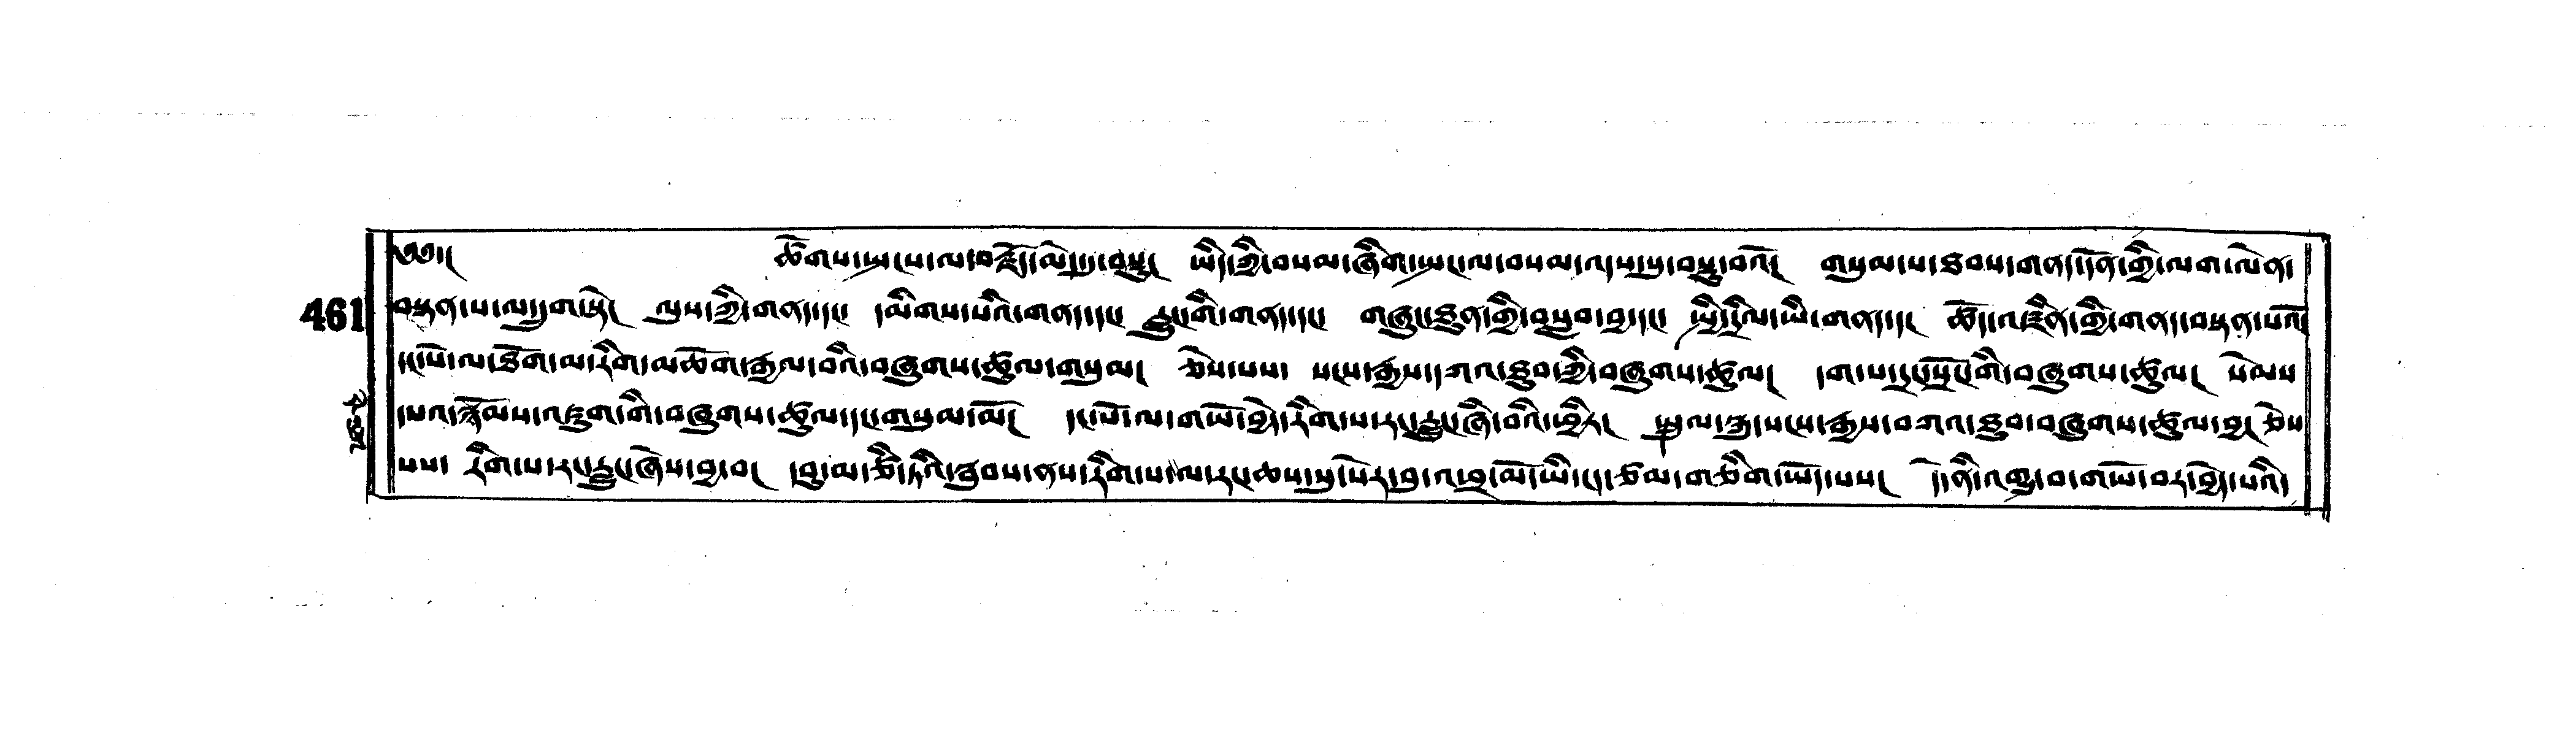ཚིག་ཚོགས་སྤངས་ལ་བརྗོད་མེད་བསྡུ། ཡིད་ཀྱི་བསམ་གཞིག་སྤང་ལ་བསམ་འདས་སུ་བསྡུ་བའོ། གསུམ་པ་ཐབས་གནད་དོན་གྱི་ལག་ལེན་
བསྟན་པ་ལ་དྲུག་སྟེ། ལུས་ཀྱི་གནད་དང་། དམིགས་པའི་གནད་དང་། རླུང་གི་གནད་དང་། གཞུང་ཐུན་གྱི་བསླབ་བྱ་དང་། སྤྱི་དྲིལ་གྱི་གནད་དང་། ཚོད་འཛིན་གྱི་གནད་བསྟན་པའོ། 
དང་པོ་ལ་ཐོག་མ་ལ་རིག་མཆོག་རྒྱལ་བའི་བཞུགས་ཚུལ་གསུམ། ཅེས་པས། སངས་རྒྱས་དཀའ་ཐུབ་ཀྱི་བཞུགས་ཚུལ། དག་པ་དྲང་སྲོང་གི་བཞུགས་ཚུལ། སེམས་
དཔའ་སྙོམས་འཇུག་གི་བཞུགས་ཚུལ་དང་གསུམ་མོ། དང་པོ་ལ་གཡོ་བྱེད་རིག་པ་དང་རླུང་ཞི་བའི་ཕྱིར། སྤྲུལ་སྐུ་སངས་རྒྱས་དཀའ་ཐུབ་བཞུགས་ཚུལ་བྱ། ཅེས་
པས། རིག་པ་རང་རླུང་ཞེས་བྱ་བ། དབུ་མ་ཙིརྟའི་སྦུབས་ནས་རིག་པ་ལ་རང་ཆས་སུ་སེར་བུ་ཕྲ་མོ་ཡི་ངད་ཙམ་ཞིག་ཡོད་པས། དེ་ནི་འགྱུ་བ་གཡོ་བར་བྱེད་པའི་